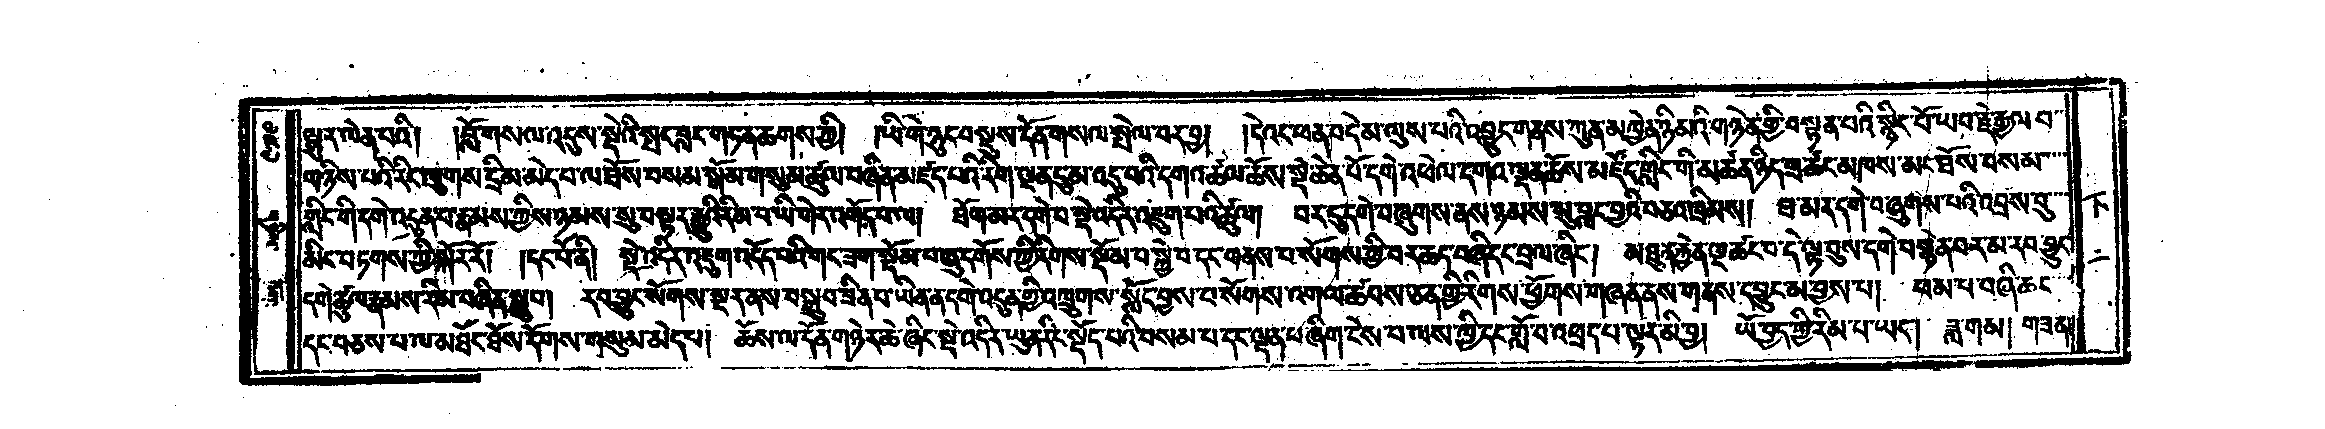ལྷུར་ལེན་པའི། །བློ་གསལ་འདུས་སྡེའི་སྤང་བླང་གཏན་ཆགས་ཀྱི། །ཡི་གེ་ཉུང་བསྡུས་དོན་གསལ་སྤེལ་བར་བྱ། །དེའང་ཕན་བདེ་མ་ལུས་པའི་འབྱུང་གནས་ཀུན་མཁྱེན་ཉི་མའི་གཉེན་གྱི་བསྟན་པའི་སྙིང་པོ་ཡབ་རྗེ་རྒྱལ་བ་
གཉིས་པའི་རིང་ལུགས་དྲི་མ་མེད་པ་ལ་ཐོས་བསམ་སྒོམ་གསུམ་ཚུལ་བཞིན་མཛད་པའི་རིག་ལྡན་དུ་མ་འདུ་བའི་དགའ་ཚལ་ཆོས་སྡེ་ཆེན་པོ་དགེ་འཕེལ་དགའ་ལྡན་ཆོས་མཛོད་གླིང་གི་མཚན་ཉིད་གྲ་ཚང་མཁས་མང་ཐོས་བསམ་
གླིང་གི་དགེ་འདུན་པ་རྣམས་ཀྱིས་ཉམས་སུ་བསྟར་རྒྱུའི་རིམ་པ་ཡི་གེར་འགོད་པ་ལ། ཐོག་མར་དགེ་བ་སྡེ་འདིར་འཇུག་པའི་ཚུལ། བར་དུ་དགེ་བ་ཞུགས་ནས་ཉམས་སུ་བླང་བྱའི་བཅའ་ཁྲིམས། ཐ་མར་དགེ་བ་ཞུགས་པའི་འབྲས་བུ་
མིང་བཏགས་ཀྱི་སྐོར་རོ། །དང་པོ་ནི། སྡེ་འདིར་འཇུག་འདོད་པའི་གང་ཟག་སྡོམ་པ་ཞུ་དགོས་ཀྱི་རིགས་སྡོམ་པ་སྐྱེ་བ་དང་གནས་པ་སོགས་ཀྱི་བར་ཆད་བཞི་དང་བྲལ་ཞིང་། མཐུན་རྐྱེན་ལྔ་ཚང་བ་དེ་ལྟ་བུས་དགེ་བསྙེན་བར་མ་རབ་བྱུང་
དགེ་ཚུལ་རྣམས་རིམ་བཞིན་སྒྲུབ། རབ་བྱུང་སོགས་སྔར་ནས་བསྒྲུབ་ཟིན་པ་ཡིན་ན་དགེ་འདུན་གྱི་འཁྲུགས་སློང་བྱས་པ་སོགས་འགལ་ཚབས་ཅན་གྱི་རིགས་ཕྱོགས་གཞན་ནས་གནས་དབྱུང་མ་བྱས་པ། ཕམ་པ་བཞི་ཆང་
དང་བཅས་པ་ལ་མཐོང་ཐོས་དོགས་གསུམ་མེད་པ། ཆོས་ལ་དོན་གཉེར་ཆེ་ཞིང་སྡེ་འདིར་ཡུན་རིང་སྡོད་པའི་བསམ་པ་དང་ལྡན་པ་ཞིག་ངེས་པ་ལས་ཁྱི་དང་གློ་བ་འཕྲད་པ་ལྟར་མི་བྱ། ཡོ་བྱད་ཀྱི་རིམ་པ་ཡང་། ཟླ་གམ། གཟན།།